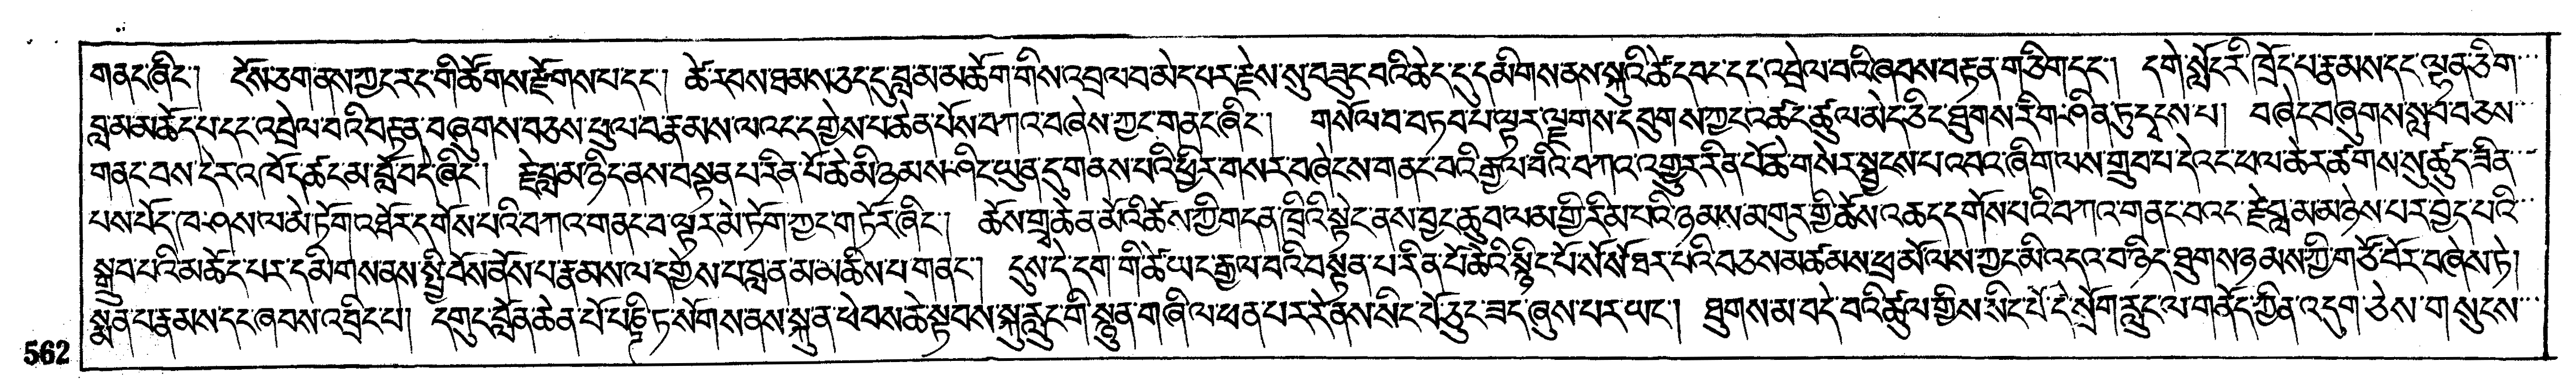གནང་ཞིང་། ངོས་ཅ་གནས་ཀྱང་རང་གི་ཚོགས་རྫོགས་བ་དང་། ཚེ་རབས་ཐམས་ཅད་དུ་བླ་མ་མཆོག་གིས་འབྲལ་བ་མེད་པར་རྗེས་སུ་བཟུང་བའི་ཆེད་དུ་དམིགས་ནས་སྐུའི་ཚེ་དབང་དང་འབྲེལ་བའི་ཞབས་བརྟན་གཅིག་དང་། དགེ་སློང་རི་ཁྲོད་པ་རྣམས་དང་ལྷན་ཅིག་
བླ་མ་མཆོད་པ་དང་འབྲེལ་བའི་བརྟན་བཞུགས་བཅས་ཕུལ་བ་རྣམས་ལའང་དགྱེས་པ་ཆེན་པོས་བཀའ་བཞེས་ཀྱང་གནང་ཞིང་། གསོལ་བ་བཏབ་པ་ལྟར་ལྗགས་དབུགས་ཀྱང་འཚང་ཚུལ་མེད་ཅིང་ཐུགས་རིག་ཤིན་ཏུ་དྭངས་པ། བཞེད་བཞུགས་སླ་བ་བཅས་
གནད་བས་དེར་འཁོད་ཚང་མ་བློ་བདེ་ཞིང་། རྗེ་བླ་མ་ཉིད་ནས་བསྟན་པ་རིན་པོ་ཆེ་མི་ཉམས་ཤིང་ཡུན་དུ་གནས་པའི་ཕྱིར་གསར་བཞེངས་གནང་བའི་རྒྱལ་བའི་བཀའ་འགྱུར་རིན་པོ་ཆེ་གསེར་སྦྱངས་པ་འབའ་ཞིག་ལས་གྲུབ་པ་དེའང་ཕལ་ཆེར་ཚགས་སུ་ཚུད་ཟིན་
པས་བོད་ཁ་ཤས་ལ་མེ་ཏོག་འཐོར་དགོས་པའི་བཀའ་གནང་བ་ལྟར་མེ་ཏོག་ཀྱང་གཏོར་ཞིང་། ཆོས་གྲྭ་ཆེན་མོའི་ཆོས་ཀྱི་གདན་ཁྲིའི་སྟེང་ནས་བྱང་ཆུབ་ལམ་གྱི་རིམ་པའི་ཉམས་མགུར་གྱི་ཆོས་འཆད་དགོས་པའི་བཀའ་གནང་བའང་རྗེ་བླ་མ་མཉེས་པར་བྱེད་པའི་
སྒྲུབ་པའི་མཆོད་པར་དམིགས་ནས་སྦྱི་བོས་ནོས་པ་རྣམས་ལ་དགྱེས་པ་བླ་ན་མ་མཆིས་པ་གནང་། དུས་དེ་དག་གི་ཚེ་ཡང་རྒྱལ་བའི་བསྟན་པ་རིན་པོ་ཆེའི་སྙིང་པོ་སོ་སོ་ཐར་པའི་བཅས་མཚམས་ཕྲ་མོ་ལས་ཀྱང་མི་འདའ་བ་ཉིད་ཐུགས་ཉམས་ཀྱི་གཙོ་བོར་བཞེས་ཏེ།
སྨན་པ་རྣམས་དང་ཞབས་འབྲིང་པ། དགུང་བློན་ཆེན་པོ་པཎྜི་ཏ་སོགས་ནས་སྐུ་ན་ཕེབས་ཆེ་སྟབས་སྐུ་རླུང་གི་སྙུན་གཞི་ལ་ཕན་པར་རེ་ནས་སིང་པོ་ཅུང་ཟད་ཞུས་པར་ཡང་། ཐུགས་མ་བདེ་བའི་ཚུལ་གྱིས་སིང་པོ་དེ་སྲོག་རླུང་ལ་གནོད་ཀྱིན་འདུག་ཅེས་གསུངས་